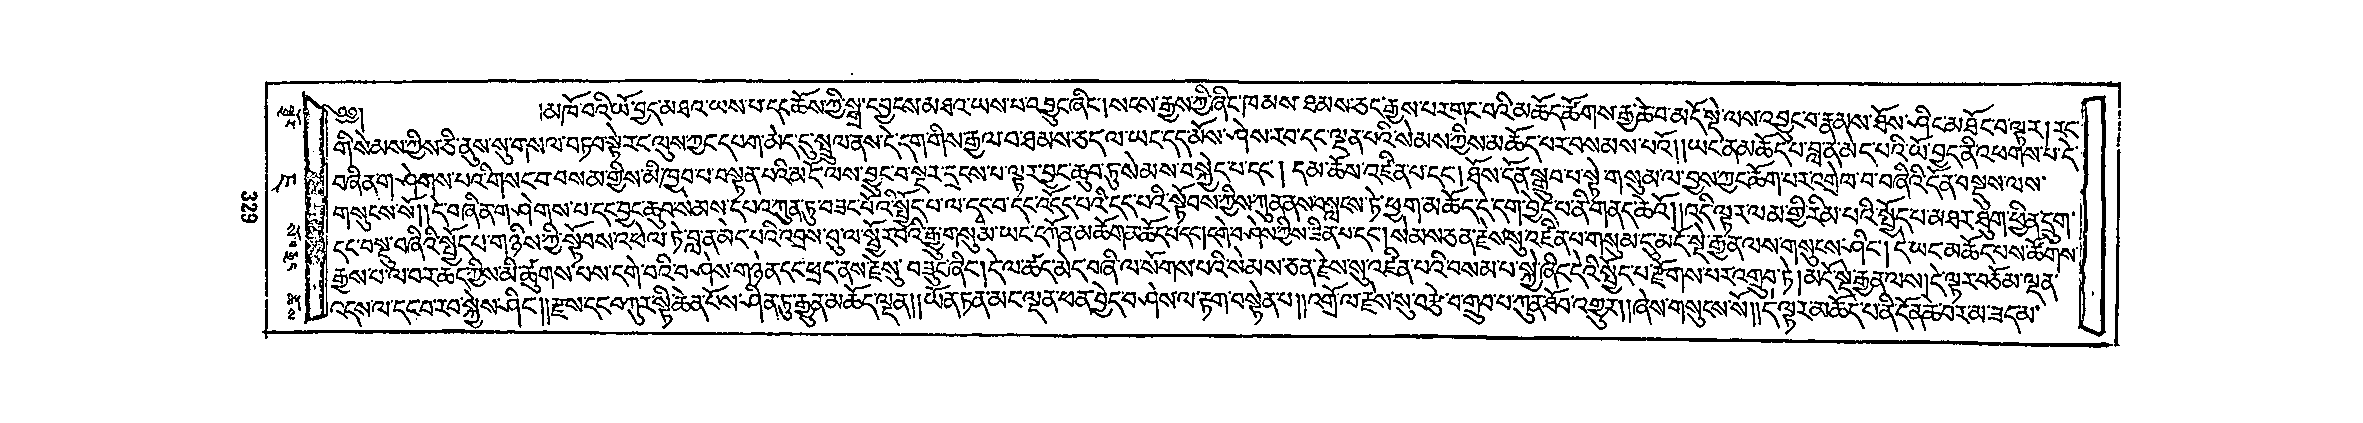༄༅། །མཁོ་བའི་ཡོ་བྱད་མཐའ་ཡས་པ་དང་ཆོས་ཀྱི་སྒྲ་དབྱངས་མཐའ་ཡས་པ་འབྱུང་ཞིང་། སངས་རྒྱས་ཀྱི་ཞིང་ཁམས་ཐམས་ཅད་རྒྱས་པར་གང་བའི་མཆོད་ཚོགས་རྒྱ་ཆེ་བ་མདོ་སྡེ་ལས་འབྱུང་བ་རྣམས་ཐོས་ཤིང་མཐོང་བ་ལྟར། རང་
གི་སེམས་ཀྱིས་ཅི་ནུས་སུ་གསལ་བཏབ་སྟེ་རང་ལུས་ཀྱང་དཔག་མེད་དུ་སྤྲུལ་ནས་དེ་དག་གིས་རྒྱལ་བ་ཐམས་ཅད་ལ་ཡང་དད་མོས་ཤེས་རབ་དང་ལྡན་པའི་སེམས་ཀྱིས་མཆོད་པར་བསམས་པའོ། །ཡང་ན་མཆོད་པ་བླ་ན་མེད་པའི་ཡོ་བྱད་ནི་འཕགས་པ་དེ་
བཞིན་གཤེགས་པའི་གསང་བ་བསམ་གྱིས་མི་ཁྱབ་པ་བསྟན་པའི་མདོ་ལས་བྱུང་བ་སྔར་དྲངས་པ་ལྟར་བྱང་ཆུབ་ཏུ་སེམས་བསྐྱེད་པ་དང་། དམ་ཆོས་འཛིན་པ་དང་། ཐོས་དོན་སྒྲུབ་པ་སྟེ་གསུམ་ལ་བྱས་ཀྱང་ཆོག་པར་འགྲེལ་བ་བཞིའི་དོན་བསྡུས་ལས་
གསུངས་སོ། །དེ་བཞིན་གཤེགས་པ་དང་བྱང་ཆུབ་སེམས་དཔའ་ཀུན་ཏུ་བཟང་པོའི་སྤྱོད་པ་ལ་དྭང་བ་དང་འདོད་པའི་དད་པའི་སྟོབས་ཀྱིས་ཀུན་ནས་བསླངས་ཏེ་ཕྱག་མཆོད་དེ་དག་བྱེད་པ་ནི་གནད་ཆེའོ། །འདི་ལྟར་ལམ་གྱི་རིམ་པའི་སྤྱོད་པ་མཐར་ཐུག་ཕྱིན་དྲུག་
དང་བསྡུ་བཞིའི་སྤྱོད་པ་གཉིས་ཀྱི་སྟོབས་འཕེལ་ཏེ་བླ་ན་མེད་པའི་འབྲས་བུ་ལ་སྦྱོར་བའི་རྒྱུ་གསུམ་ཡང་དཀོན་མཆོག་མཆོད་པ་དང་། དགེ་བཤེས་ཀྱིས་ཟིན་པ་དང་། སེམས་ཅན་རྗེས་སུ་འཛིན་པ་གསུམ་དུ་མདོ་སྡེ་རྒྱན་ལས་གསུངས་ཤིང་། དེ་ཡང་མཆོད་པས་ཚོགས་
རྒྱས་པ་ལ་བར་ཆད་ཀྱིས་མི་ཚུགས་པས་དགེ་བའི་བཤེས་གཉེན་དང་ཕྲད་ནས་རྗེས་སུ་བཟུང་ཞིང་། དེ་ལ་ཚད་མེད་བཞི་ལ་སོགས་པའི་སེམས་ཅན་རྗེས་སུ་འཛིན་པའི་བསམ་པ་སྐྱེ་ཞིང་དེའི་སྤྱོད་པ་རྫོགས་པར་འགྲུབ་ཏེ། མདོ་སྡེ་རྒྱན་ལས། དེ་ལྟར་བཅོམ་ལྡན་
འདས་ལ་དང་བ་རབ་སྐྱེས་ཤིང་། །རྫས་དང་བཀུར་སྟི་ཆེན་པོས་ཤིན་ཏུ་རྒྱུན་མཆོད་ལྡན། །ཡོན་ཏན་མང་ལྡན་ཕན་བྱེད་བཤེས་ལ་རྟག་བསྟེན་པ། །འགྲོ་ལ་རྗེས་སུ་བརྩེ་བ་གྲུབ་པ་ཀུན་ཐོབ་འགྱུར། །ཞེས་གསུངས་སོ། །དེ་ལྟར་མཆོད་པ་ནི་དོན་ཆེ་བར་མ་ཟད་མ་